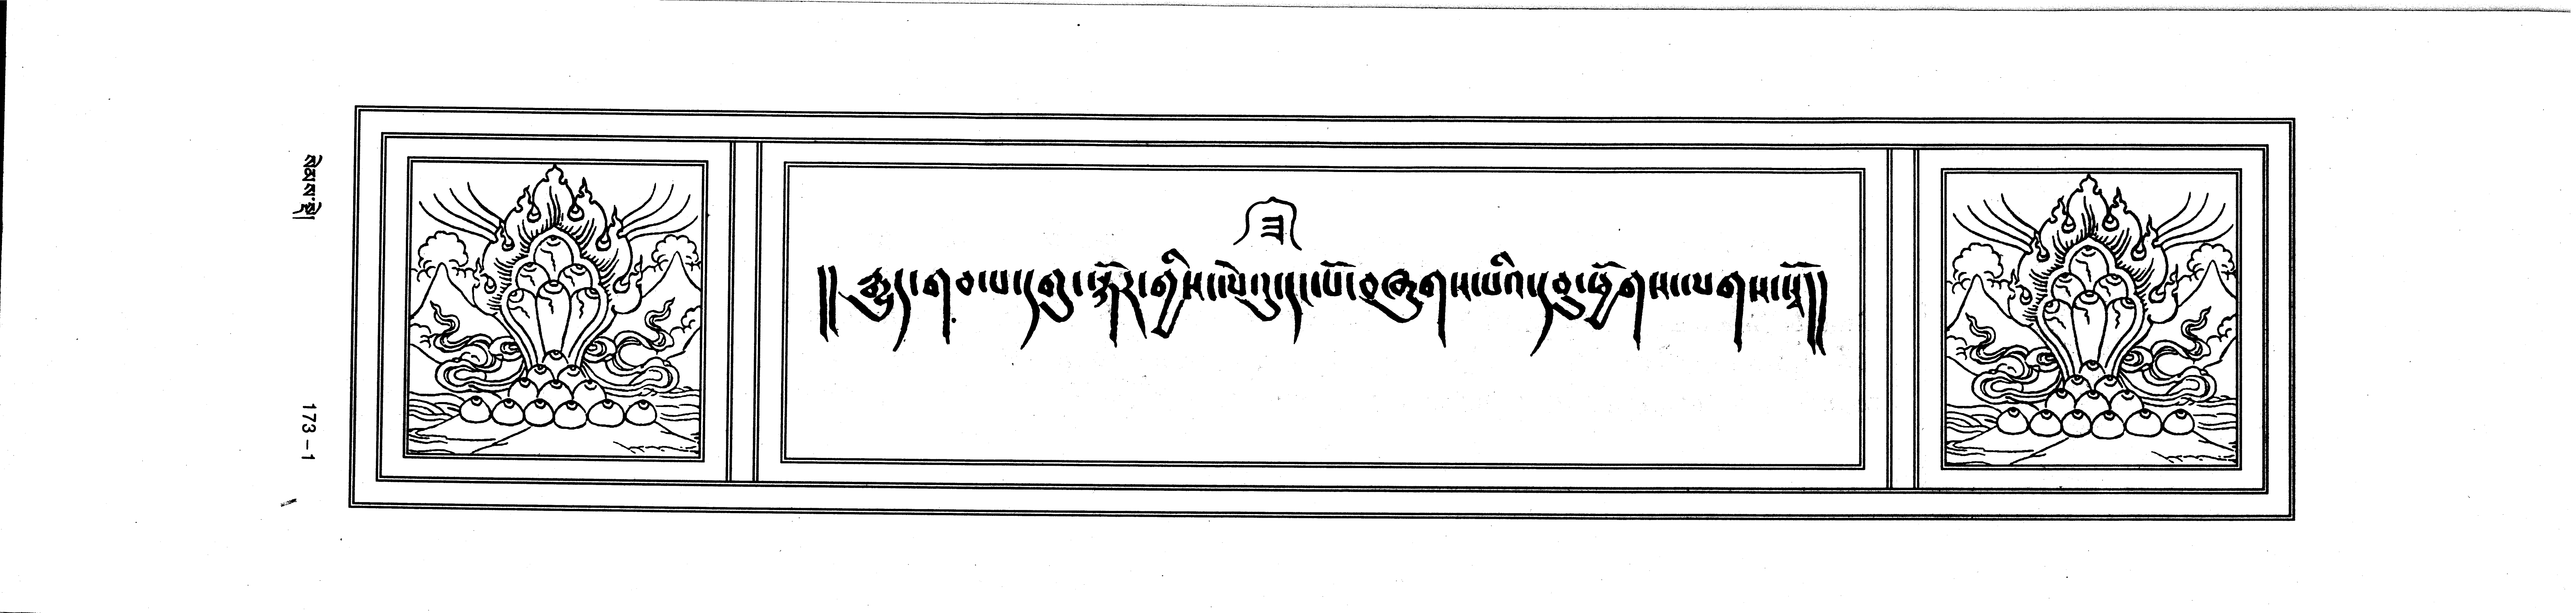རྒྱུད་གབ་པ་དགུ་སྐོར་གྱི་ལེའུ་དང་པོ་བཞུགས་པའི་དབུ་ཕྱོགས་ལགས་སོ། །